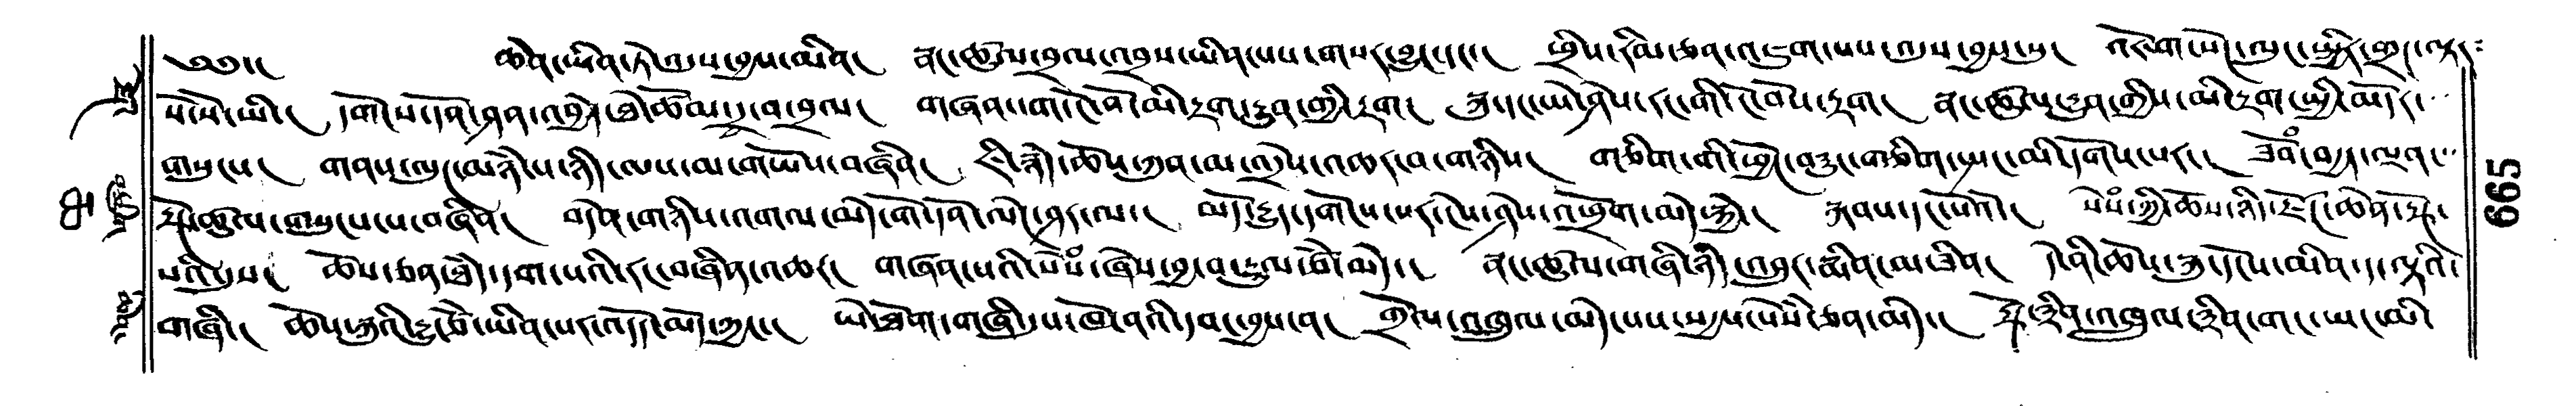ཆེན་ཡིན་ཏེ་འདུས་བྱས་མིན། །སྣང་ཚུལ་བྲལ་འབྲས་ཡིན་པས་གསར་བྱུང་དང་། །ཕྲིན་ལས་རིམ་ཅན་འཇུག་པས་འདུས་བྱས་སུ། །འཇོག་སོགས་ལུང་སྤྱིར་གྲང་ལྟར་
སོ་སོ་ཡི། །དགོངས་དོན་ཤན་འབྱེད་ཐེ་ཚོམ་དྲྭ་བ་བྲལ། །གཞན་དག་ངོ་བོ་མི་རྟག་རྒྱུན་གྱི་རྟག །སྐུ་དང་ཡེ་ཤེས་རང་གི་ངོ་བོས་རྟག སྣང་ཚུལ་རྒྱུད་གྱིས་མི་རྟག་སྤྱི་མདོར་
གསུངས། །གནས་ལུགས་མཉམ་པ་ཉིད་ལས་མ་གཡོས་བཞིན། །ཇི་སྙེད་ཆོས་ཀུན་མ་འདྲེས་འཆར་བ་གཉིས། །གཅིག་གི་ཕྱོགས་བཟུང་གཅིག་སྤང་མི་དགོས་པར། །ཟབ་མོ་བརྒྱད་ལྡན་
རྟོགས་ཚུལ་གསུངས་པ་བཞིན། །བདེན་གཉིས་འགལ་མེད་གོ་དོན་ལེགས་ཤར་ལ། །མདོ་རྒྱུད་དགོངས་པར་ངེས་ཤེས་འཕྲོག་མེད་སྐྱེ།སྐབས་དང་པོའོ།། །སེམས་ཀྱི་ཆོས་ཉིད་རྫོགས་ཆེན་རྟོགས་
པའི་དུས། །ཆོས་ཅན་ཐམས་ཅད་དག་པའི་རང་བཞིན་འཆར། །གཞན་པའི་སེམས་ཞེས་བྱ་བ་རྡུལ་ཙམ་མེད། །སྣང་ཚུལ་གཞི་ཉིད་འབྲས་བུར་སྨིན་མ་ཟིན། །དེ་ནི་ཆོས་སྐུ་དངོས་མིན་ད་ལྟའི་
གཞི། །ཆོས་སྐུའི་རྒྱུ་ཙམ་ཡིན་པར་འདོད་མོད་ཀྱང་། །ཡེ་ཐོག་གཞི་དུས་ཁོ་ནའི་དབང་བྱས་ན། །གྲོལ་འཁྲུལ་མེད་པས་སངས་རྒྱས་སེམས་ཅན་མེད། །རྟོགས་ཟིན་འཁྲུལ་ཟིན་གང་ཡང་མི་